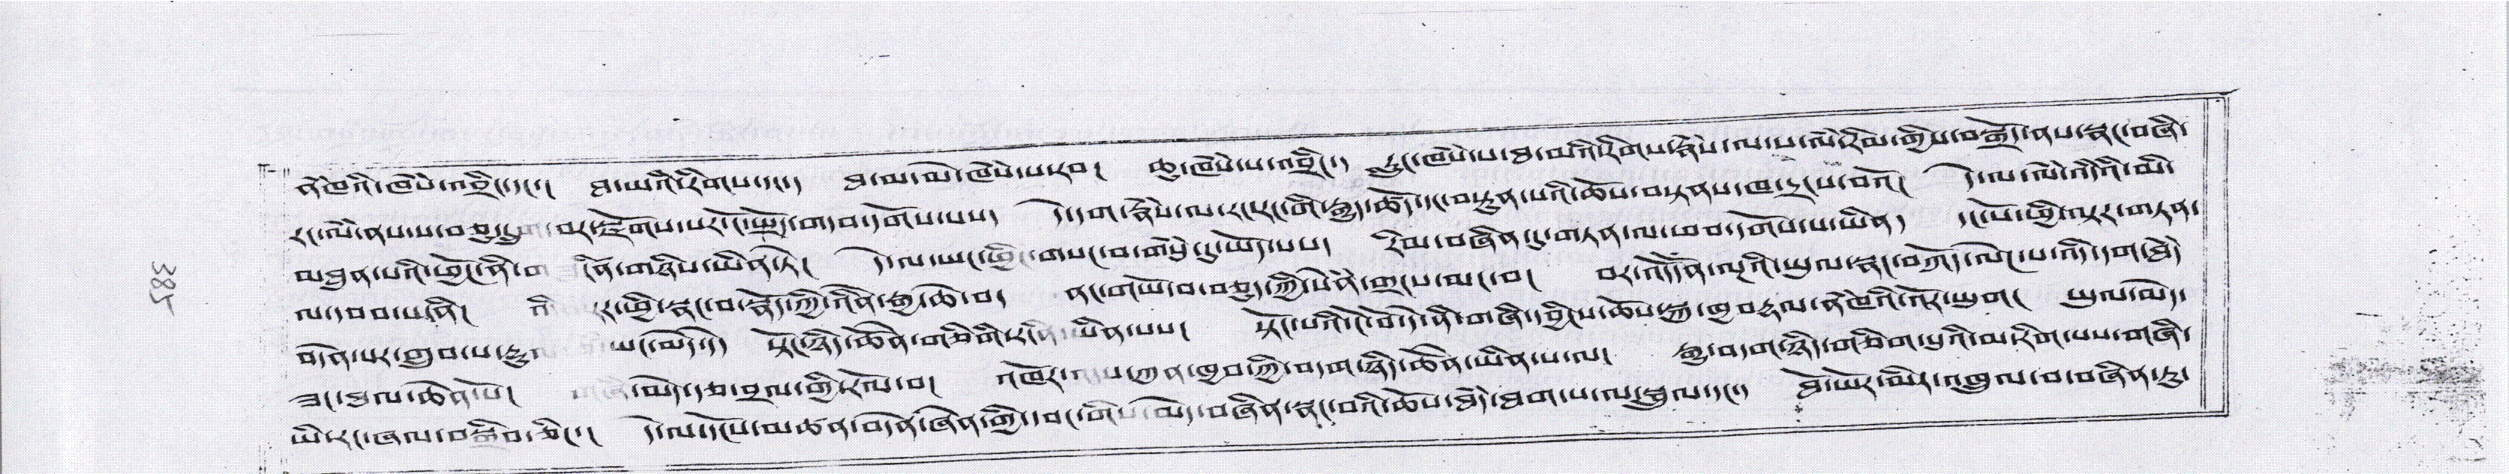ནམ་མཁའི་ཁམས་འབྲིང་དང་ཐ་མའི་རིགས་དང་། ཐ་མ་མེ་ཁམས་པ་རབ། ཆུ་ཁམས་པ་འབྲིང་། རླུང་ཁམས་པ་ཐ་མའི་རིགས་རྣམས་ལ་ས་ལམ་རིམ་གྱིས་བགྲོད་ནས་སྣང་བཞི་
རང་ལམ་ནས་ས་བཅུ་དྲུག་བར་རྫོགས་པར་ངོ་སྤྲོད་གདབ་དགོས་པས། དེ་དག་རྣམས་ལ་རང་རང་གི་རྒྱུད་ཚོད་དང་བསྟུན་པའི་ཆོས་བསྟན་ནས་ཁ་དྲང་བའོ། དེ་ལ་ལམ་འདིའི་མི་
མཐུན་པའི་ཕྱོགས་ནི་གཟུང་འཛིན་གཉིས་ཡིན་ཏེ། དེ་ལ་ཡང་ཕྱི་ནང་གསང་བ་གསུམ་དུ་ཡོད་པས། རིམ་བཞིན་དུ་གཏན་ལ་ཕབ་དགོས་པ་ཡིན། དང་པོ་ཕྱི་ལྟར་གཏན་
ལ་དབབ་པ་ནི། འདི་ལྟར་གྱི་སྣང་བ་སྣོད་ཀྱི་འཇིག་རྟེན་རྒྱ་ཆེ་བ། ནང་གཡོ་བ་བཅུད་ཀྱི་སེམས་ཅན་གྲངས་མང་བ། བར་འདོད་ཡོན་ལྔ་ཡི་ཡུལ་སྣང་བཀོད་ལེགས་པ་འདི་དག་ཐམས་ཅད་
བདེན་པར་གྲུབ་པ་རྡུལ་ཙམ་ཡང་མེད་དེ། སྟོང་ཉིད་ཆེན་པོ་གཅིག་གི་རང་བཞིན་ཡིན་པས། སྟོང་པའི་ངོ་བོ་དེ་ནི་གཞི་དབྱིངས་ཆོས་སྐུ་ཁྱབ་བརྡལ་ནམ་མཁའི་ཁོར་ཡུག་ཡུལ་མེད་
ཟང་ཐལ་ཆེན་པོ། གཞི་མེད་རྩ་བྲལ་གྱི་རོལ་པ། འཁོར་འདས་ཀུན་ཁྱབ་ཀྱི་བདག་ཉིད་ཆེན་པོ་ཡིན་པ་ལ། རྒྱུ་བདག་ཉིད་གཅིག་པོའི་མ་རིག་པས་གཞི་
ཡི་རང་ཞལ་བསྒྲིབས་ཤིང་། དེ་ལ་དངོས་མཚན་བདེན་ཞེན་གྱི་དབང་གིས་མེད་བཞིན་སྣང་བའི་ཆོས་ཐམས་ཅད་ཐག་པ་ལ་སྦྲུལ་དང་། ཐོ་ཡོར་མིར་འཁྲུལ་པ་བཞིན་དུ་